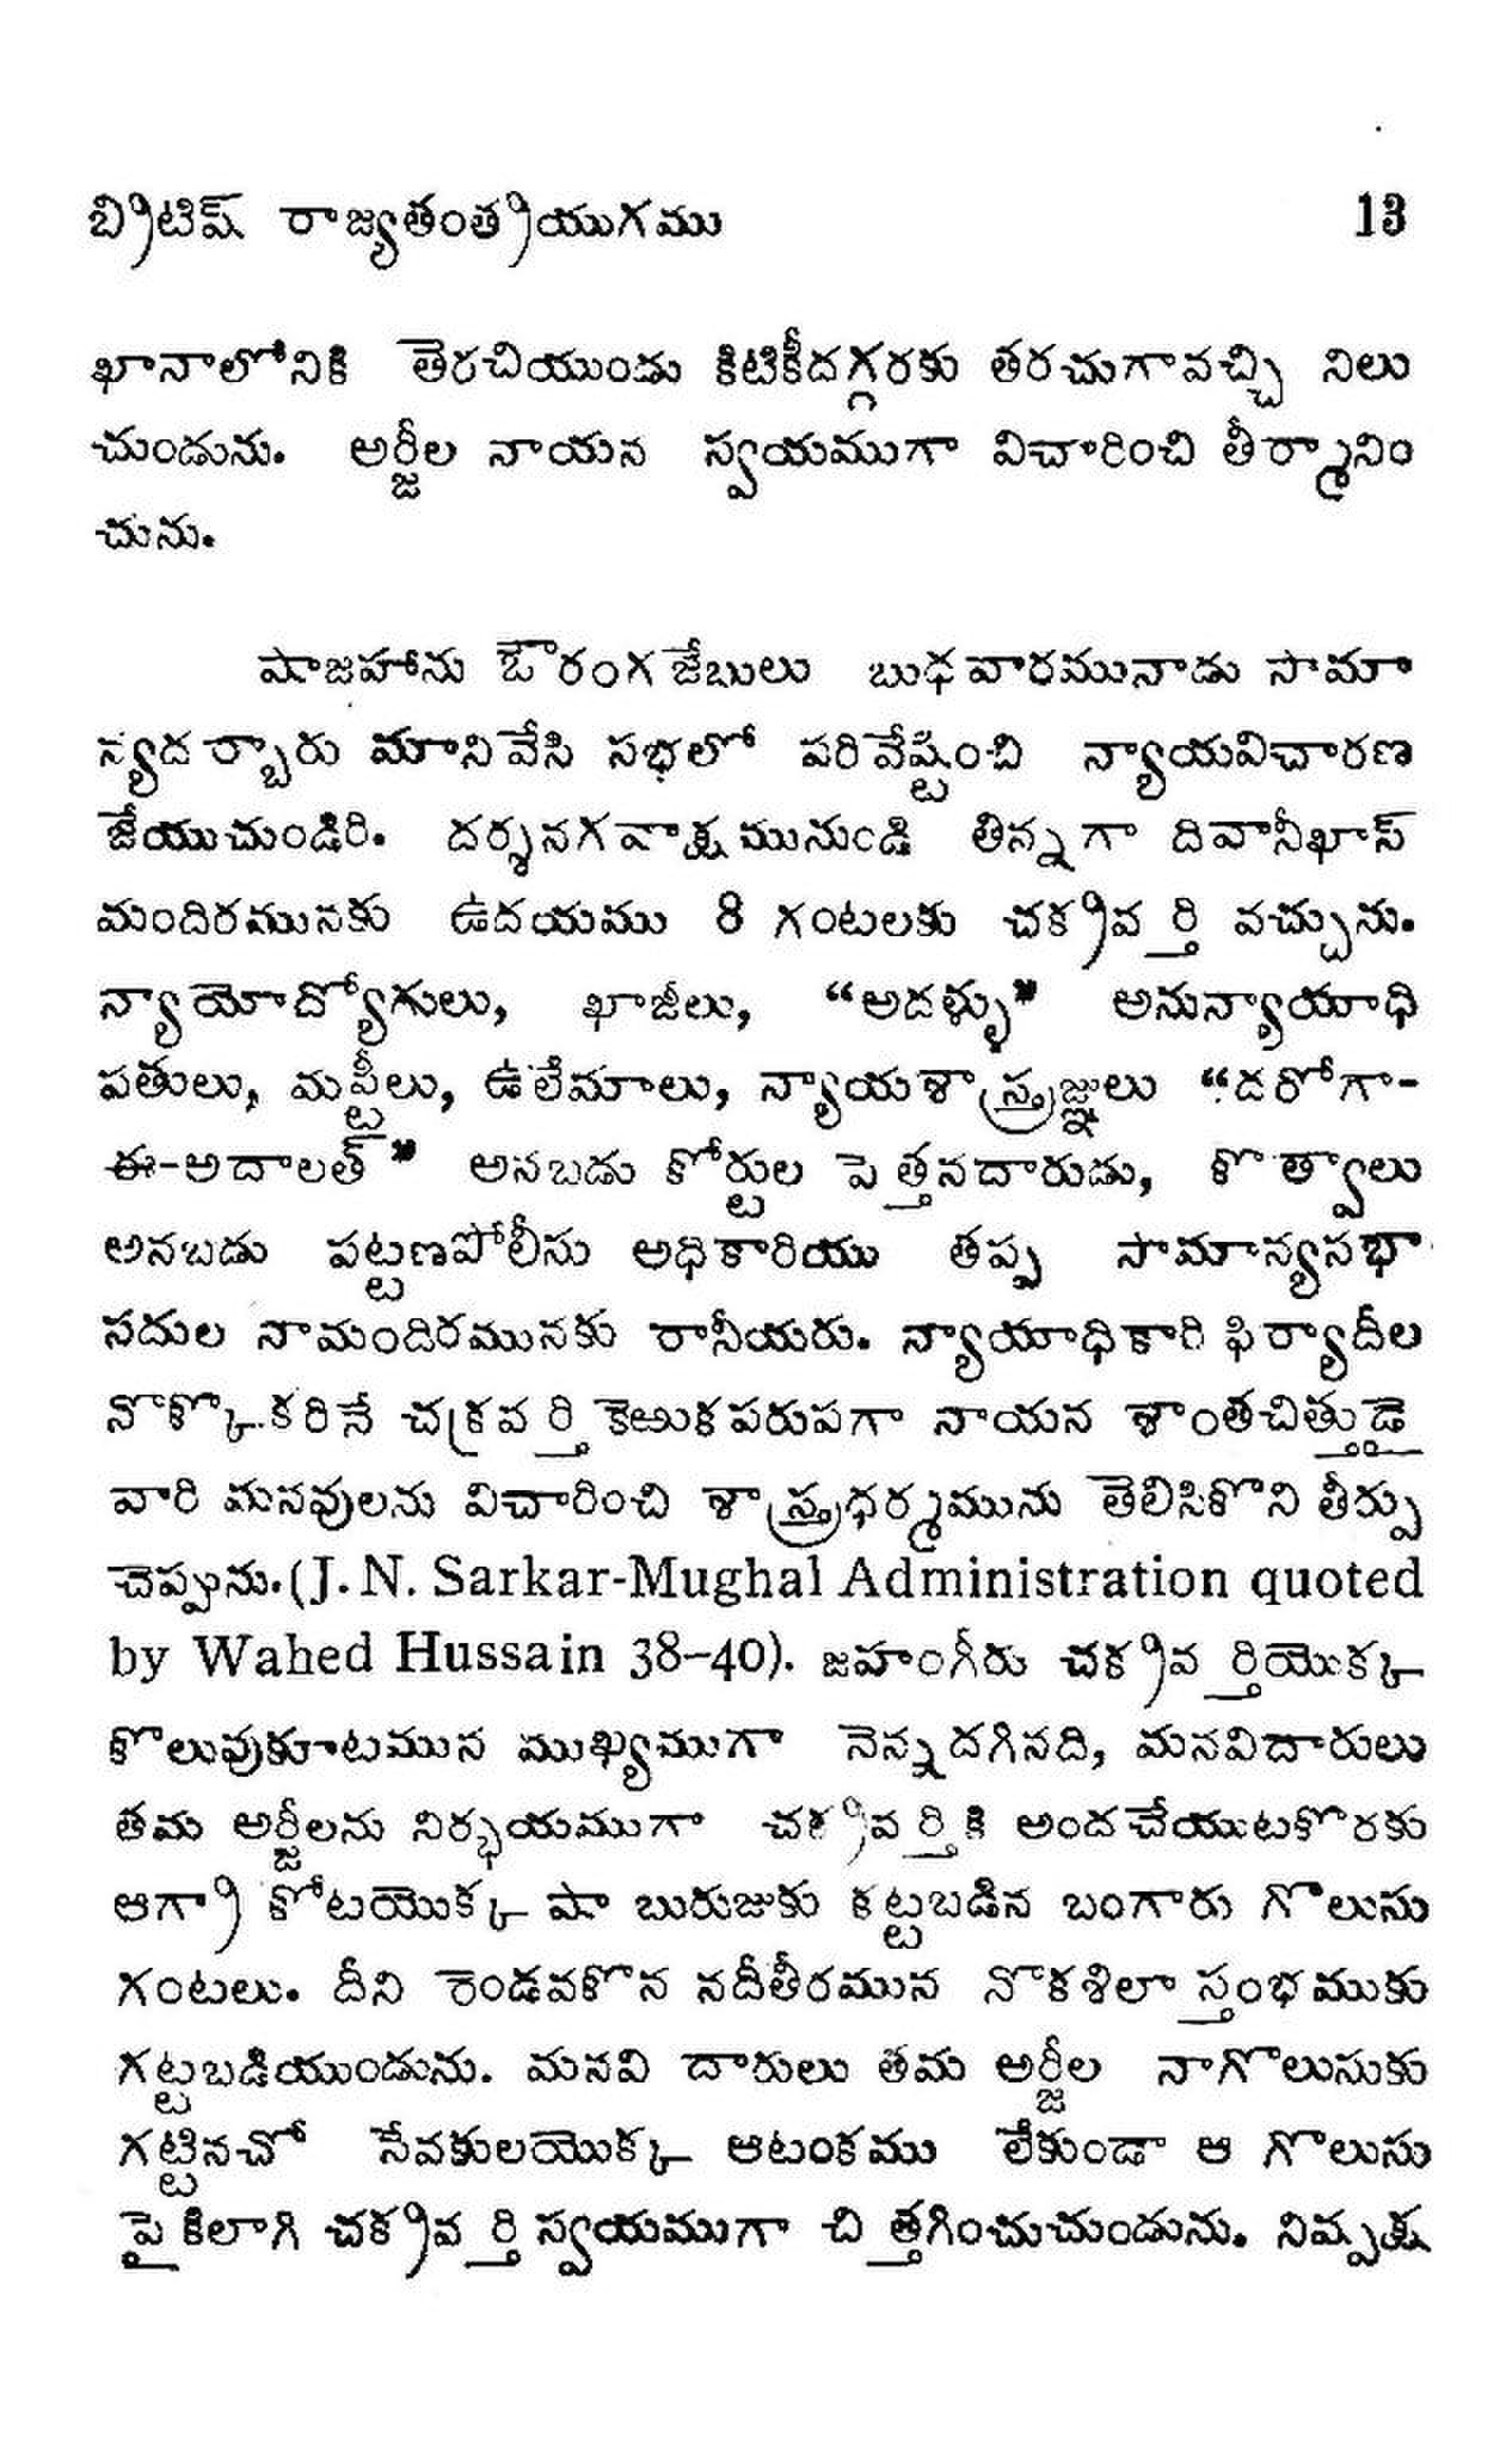ఖానాలోనికి తెరచియుండు కిటికీదగ్గరకు తరచుగావచ్చి నిలుచుండును. అర్జీల నాయన స్వయముగా విచారించి తీర్మానించును.

షాజహాను ఔరంగజేబులు బుధవారమునాడు సామాన్యదర్బారు మానివేసి సభలో పరివేష్టించి న్యాయవిచారణ జేయుచుండిరి. దర్శనగవాక్షమునుండి తిన్నగా దివానీఖాస్ మందిరమునకు ఉదయము 8 గంటలకు చక్రవర్తి వచ్చును. న్యాయోద్యోగులు, ఖాజీలు, “అదళ్ళు" అనున్యాయాధిపతులు, మప్టీలు, ఉలేమాలు, న్యాయశాస్త్రజ్ఞులు “దరోగా-ఈ-అదాలత్" అనబడు కోర్టుల పెత్తనదారుడు, కొత్వాలు అనబడు పట్టణపోలీసు అధికారియు తప్ప సామాన్యసభాసదుల నామందిరమునకు రానీయరు. న్యాయాధికారి ఫిర్యాదీల నొక్కొకరినే చక్రవర్తి కెఱుక పరుపగా నాయన శాంతచిత్తుడై వారి మనవులను విచారించి శాస్త్రధర్మమును తెలిసికొని తీర్పుచెప్పును. (J. N. Sarkar-Mughal Administration quoted by Wahed Hussain 38–40). జహంగీరు చక్రవర్తియొక్క కొలువుకూటమున ముఖ్యముగా నెన్నదగినది, మనవిదారులు తమ అర్జీలను నిర్భయముగా చక్రవర్తికి అందచేయుటకొరకు ఆగ్రా కోటయొక్క షా బురుజుకు కట్టబడిన బంగారు గొలుసు గంటలు. దీని రెండవకొన నదీతీరమున నొకశిలాస్తంభముకు గట్టబడియుండును. మనవి దారులు తమ అర్జీల నాగొలుసుకు గట్టినచో సేవకులయొక్క ఆటంకము లేకుండా ఆ గొలుసు పై కిలాగి చక్రవర్తి స్వయముగా చిత్తగించుచుండును. నిష్పక్ష